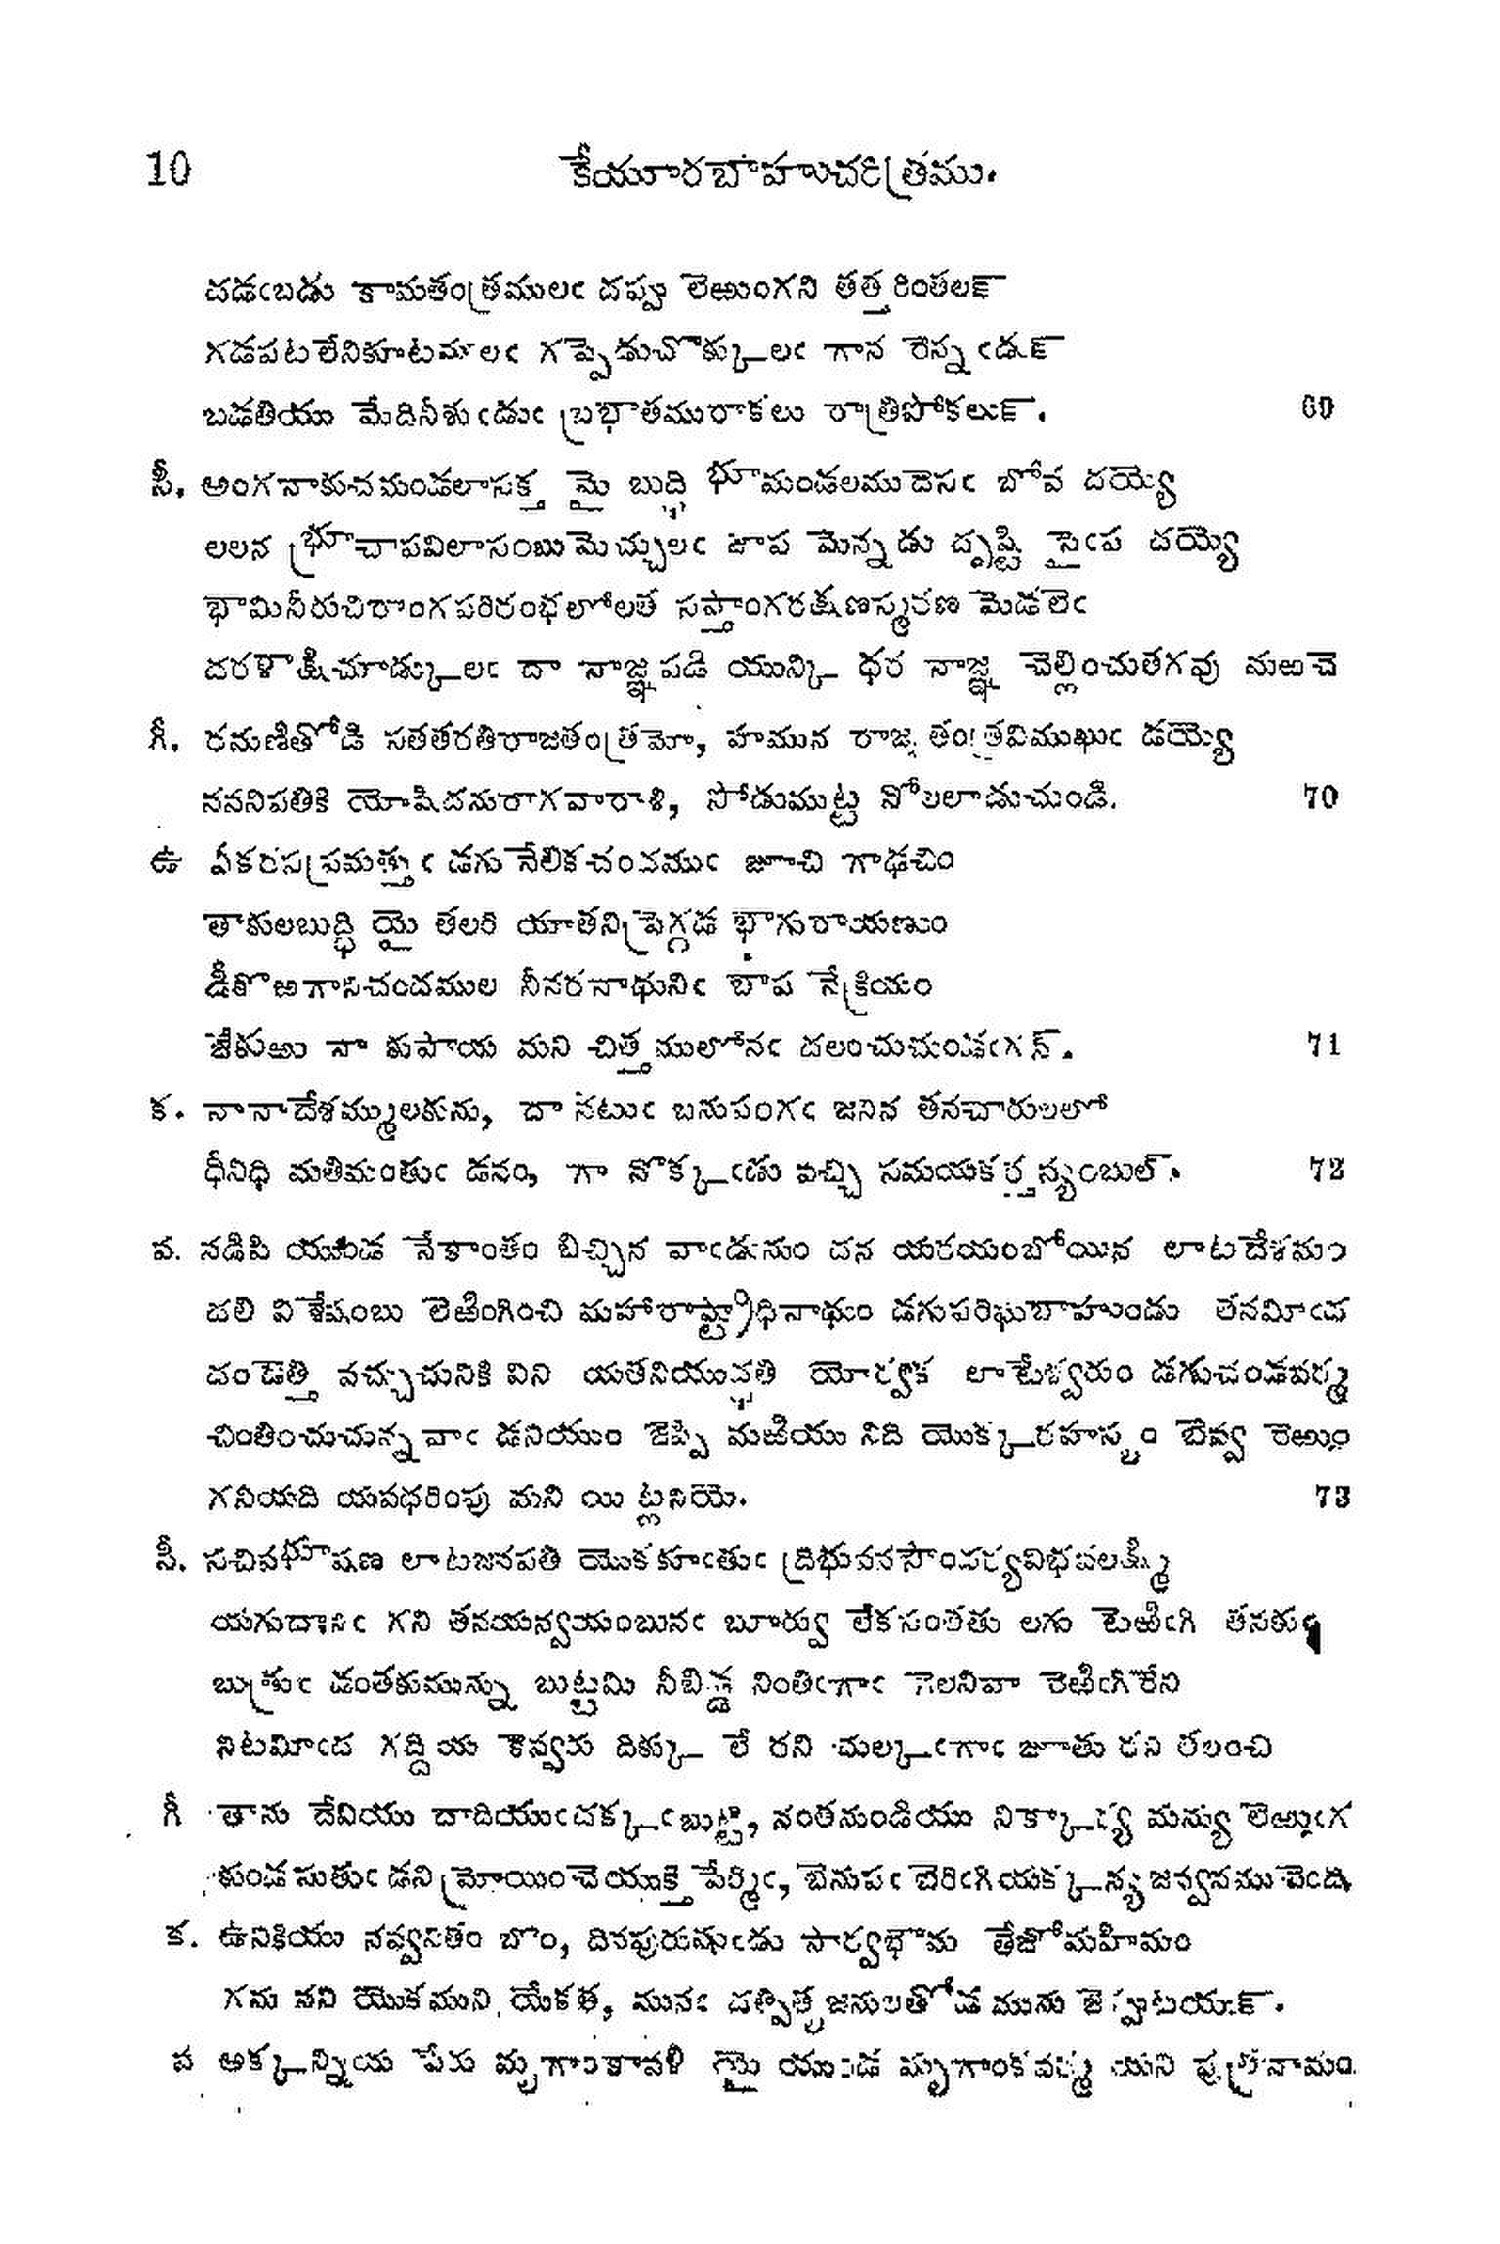దడఁబడు కామతంత్రములఁ దప్పు లెఱుంగని తత్తరింతలన్
 గడపట లేనికూటములఁ గప్పెడుచొక్కులఁ గాన రెన్నఁడున్
 బడతియు మేదినీశుఁడుఁ బ్రభాతమురాకలు రాత్రిపోకలున్.
సీ. అంగనాకుచమండలాసక్త మై బుద్ధి భూమండలముదెసఁ బోవ దయ్యె
 లలనభ్రూచాపవిలాసంబుమెచ్చులఁ జాప మెన్నడు దృష్టి సైఁప దయ్యె
 భామినీరుచిరాంగపరిరంభలోలత సప్తాంగరక్షణస్మరణ మెడలెఁ
 దరళాక్షిచూడ్కులఁ దా నాజ్ఞపడి యున్కి ధర నాజ్ఞ చెల్లించుతగవు మఱచె
గీ. రమణితోడి సతతరతిరాజతంత్రమో, హమున రాజ్యతంత్రవిముఖుఁ డయ్యె
 నవనిపతికి యోషిదనురాగవారాశి, సోడుముట్ట నోలలాడుచుండి.
ఉ. ఏకరసప్రమత్తుఁ డగునేలికచందముఁ జూచి గాఢచిం
 తాకులబుద్ధి యై తలరి యాతనిప్రెగ్గడ భాగురాయణుం
 డీకొఱగానిచందముల నీనరనాథునిఁ బాప నేక్రియం
 జేకుఱు నా కుపాయ మని చిత్తములోనఁ దలంచుచుండఁగన్.
క. నానాదేశమ్ములకును, దానటుఁ బనుపంగఁ జనిన తనచారులలో
 ధీనిధి మతిమంతుఁ డనం, గా నొక్కఁడు వచ్చి సమయకర్తవ్యంబుల్.
వ. నడిపి యుండ నేకాంతం బిచ్చిన వాఁడునుం దన యరయంబోయిన లాటదేశమం
 దలి విశేషంబు లెఱింగించి మహారాష్ట్రాధినాథుం డగుపరిఘబాహుండు తనమీఁద
 దండెత్తి వచ్చుచునికి విని యతనియుద్ధతి యోర్వక లాటేశ్వరుం డగుచండవర్మ
 చింతించుచున్నవాఁ డనియుం జెప్ప మఱియు నిది యొక్కరహస్యం బెవ్వ రెఱుం
 గనియది యవధరింపు మని యిట్లనియె.
సీ. సచివభూషణ లాటజనపతి యొకకూఁతుఁ ద్రిభువనసౌందర్యవిభవలక్ష్మి
 యగుదానిఁ గని తనయన్వయంబునఁ బూర్వు లేకసంతతు లగు టెఱిఁగి తనకుఁ
 బుత్రుఁ డంతకుమున్ను బుట్టమి నీబిడ్డ నింతిఁగాఁ గెలనివా రెఱిఁగిరేని
 నిటమీఁద గద్దియ కెవ్వరు దిక్కు లేరని చుల్కఁగాఁ జూతు రని తలంచి
గీ. తాను దేవియు దాదియుఁదక్కఁ బుట్టి, నంతనుండియు నిక్కార్య మన్యు లెఱుఁగ
 కుండ సుతుఁ డని మ్రోయించె యుక్తిపేర్మిఁ, బెనుపఁ బెరిఁగి యక్కన్య జవ్వనము చెంది.
క. ఉనికియు నవ్వనితం బొం, దినపురుషుఁడు సార్వభౌమతేజోమహిమం
 గను నని యొక ముని యేకత, మునఁ దత్పితృజనులతోడ మును జెప్పటయున్.
వ. అక్కన్నియపేరు మృగాంకావళి యై యుండ మృగాంకవర్మ యని పుత్రనామం